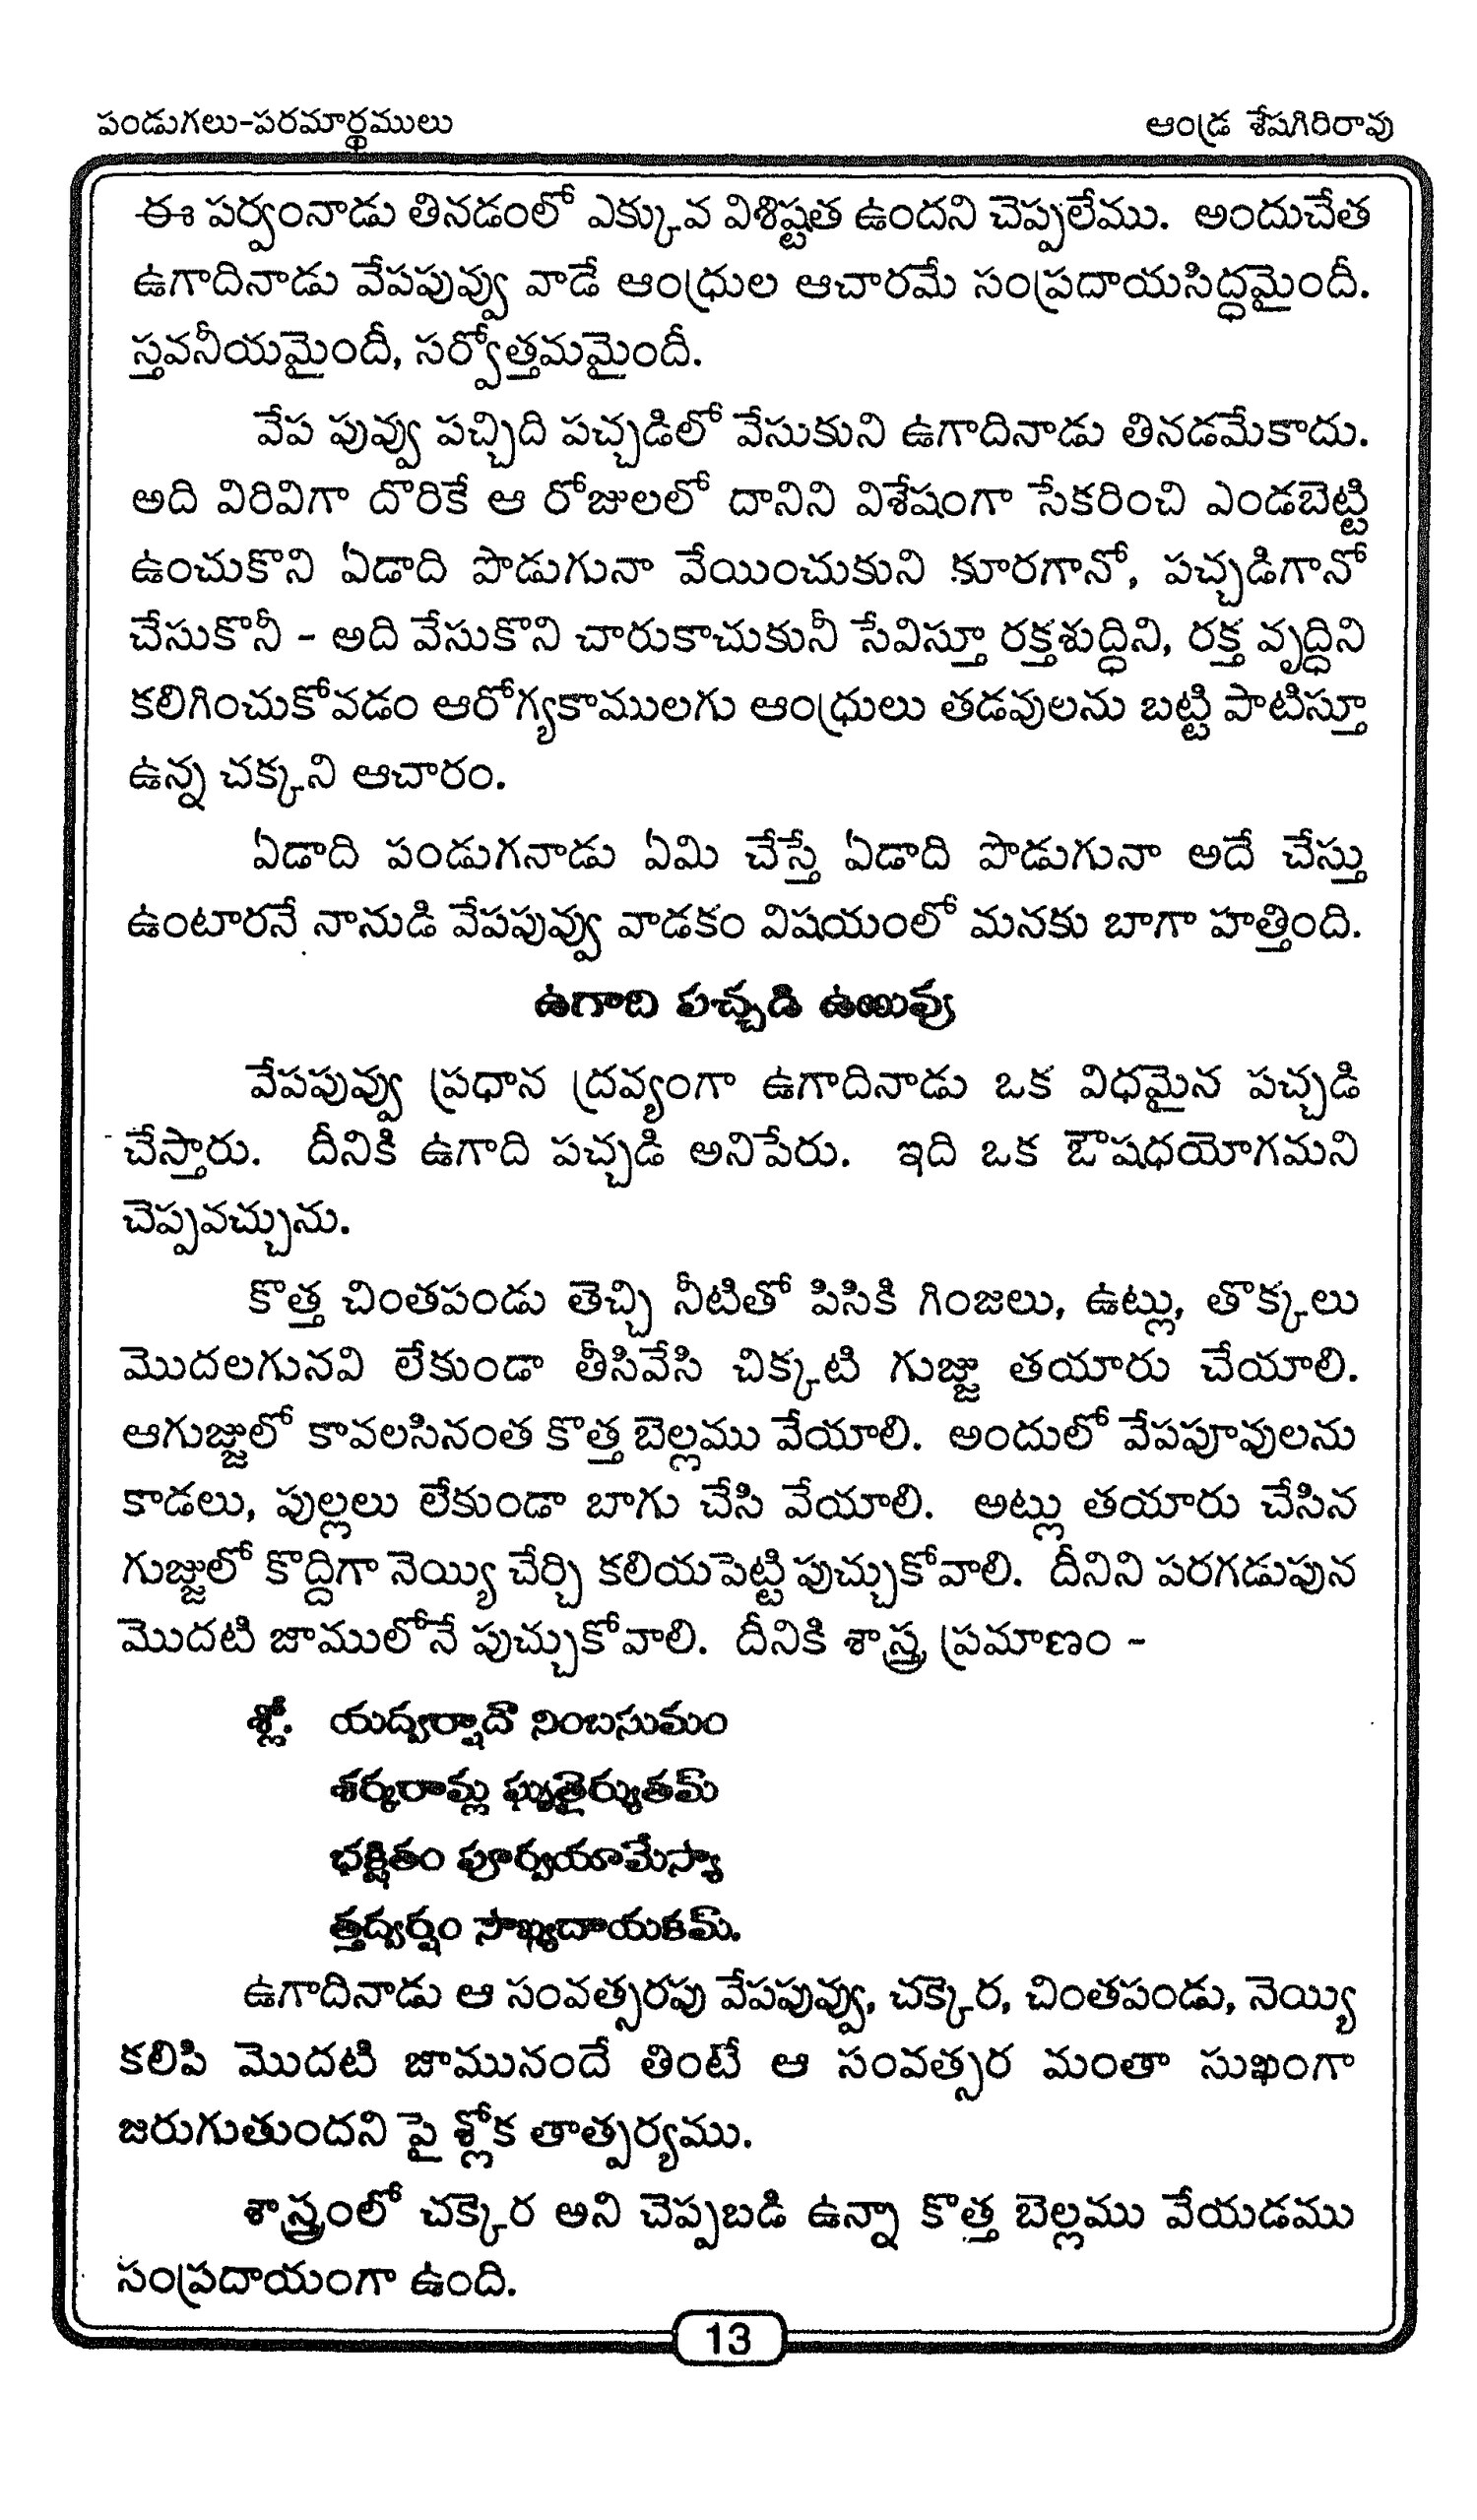ఈ పర్వంనాడు తివడంలో ఎక్కువ విశిష్టత ఉందని చెప్పలేము. అందుచేత ఉగాదినాడు వేపపువ్వు వాడే ఆంధ్రుల ఆచారమే సంప్రదాయసిద్ధమైందీ. స్తజ్వనీయమైందీ, సర్వోత్తమమైందీ.
 వేప పువ్వు పచ్చిది పచ్చడిలో వేసుకుని ఉగాదినాడు తినడమేకాదు. అది విరివిగా దొరికే ఆ రోజులలో దానిని విశేషంగా సేకరించి ఎండబెట్టి ఉంచుకొని ఏడాది పొడుగునా వేయించుకుని కూరగానో, పచ్చడిగానో చేసుకొనీ - అది వేయించుకొని చారుకాచుకునీ సేవిస్తూ రక్తశుద్ధిని, రక్తవృద్దిని కలిగించుకోవడం ఆరోగ్యకాములగు ఆంధ్రులు తడవులను బట్టి పాటిస్తూ ఉన్న చక్కని ఆచారం.
 ఏడాది పండుగనాడు ఏమి చేస్తే ఏడాది పొడుగునా అదే చేస్తు ఉంటారనే నానుడి వేపపువ్వు వాడకం విషయంలో మనకు బాగా హత్తింది.
 ఉగాది పచ్చడి ఉఱువు
 వేపపువ్వు ప్రధాన ద్రవ్యంగా ఉగాదినాడు ఒక విధమైన పచ్చడి చేస్తారు. దీనికి ఉగాది పచ్చడి అనిపేరు. ఇది ఒక ఔషధయోగమని చెప్పవచ్చును.
 కొత్త చింతపండు తెచ్చి నీటితో పిసికి గింజలు, ఉట్లు, తొక్కలు మొదలగునవి లేకుండా తీసివేసి చిక్కటి గుజ్జు తయారు చేయాలి. ఆగుజ్జులో కావలసినంత కొత్త బెల్లము వేయాలి. అందులో వేపపూరులను కాడలు, పుల్లలు లేకుండా బాగుచేసి వేయాలి. అట్లు తయారు చేసిన గుజ్జులో కొద్దిగా నెయ్యి చేర్చి కలియబెట్టిపుచ్చుకోవాలి. దీనిని పరగడుపున మొదటి జాములోనే పుచ్చుకోవాలి. దీనికి శాస్త్ర ప్రమాణం -

 శ్లో. యద్వర్షాద్ నిలబసుమం
 శర్యరామ్ల ఘ్యతైర్యుతం
 భక్షితం పూర్వయామేశ్యా
 త్తద్వర్షం సౌఖ్యదాయతమ్
 
 ఉగాదినాడు ఆ సంవత్సరపు వేపపువ్వు, చక్కెర, చింతపండు, నెయ్యి కలిపి మొదటి జామునందే తింటె ఆ సంవత్సర మంతా సుఖంగా జరుగుతుందని పై శ్లోక తాత్పర్యము.
 శాస్త్రంలో చక్కెర అని చెప్పబడి ఉన్నా కొత్త బెల్లము వేయడము సంప్రదాయంగా ఉంది.